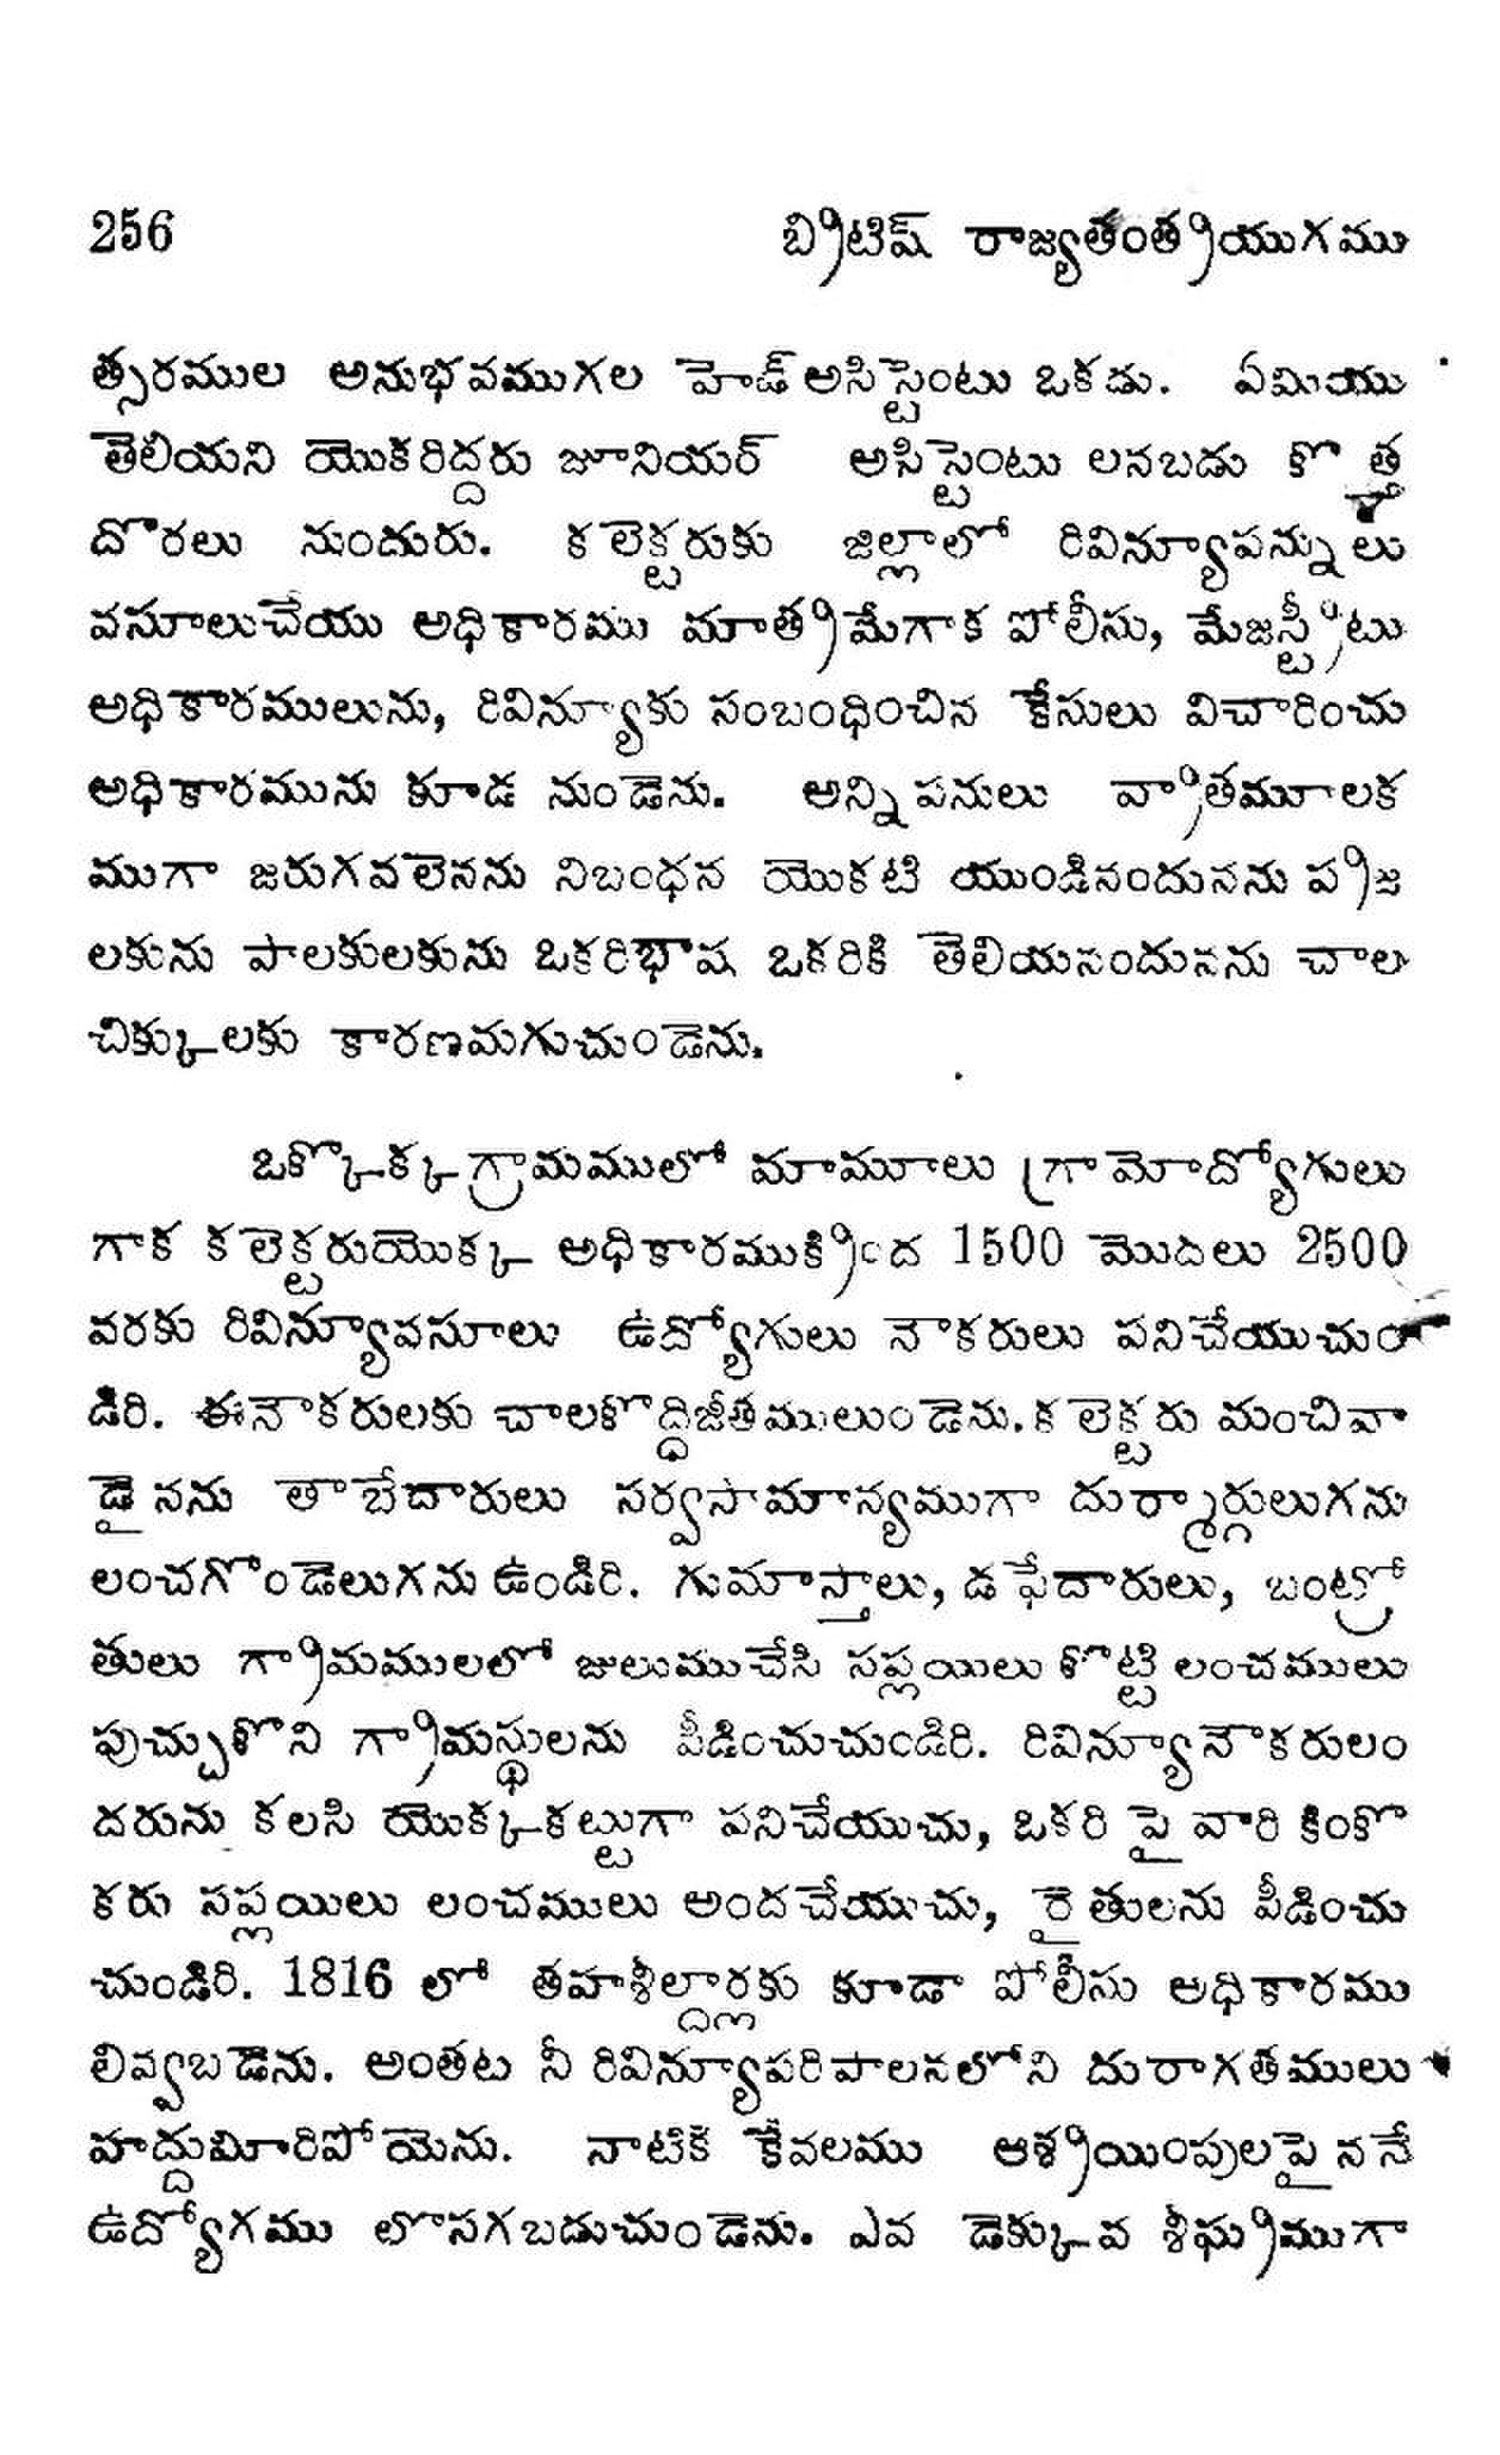త్సరముల అనుభవముగల హెడ్‌అసిస్టెంటు ఒకడు. ఏమియు తెలియని యొకరిద్దరు జూనియర్ అసిస్టెంటు లనబడు కొత్తదొరలు నుందురు. కలెక్టరుకు జిల్లాలో రివిన్యూపన్నులు వసూలుచేయు అధికారము మాత్రమేగాక పోలీసు, మేజస్ట్రీటు అధికారములును, రివిన్యూకు సంబంధించిన కేసులు విచారించు అధికారమును కూడ నుండెను. అన్ని పనులు వ్రాతమూలకముగా జరుగవలెనను నిబంధన యొకటి యుండినందునను ప్రజలకును పాలకులకును ఒకరిభాష ఒకరికి తెలియనందునను చాల చిక్కులకు కారణమగుచుండెను.

ఒక్కొక్కగ్రామములో మామూలు గ్రామోద్యోగులు గాక కలెక్టరుయొక్క అధికారముక్రింద 1500 మొదలు 2500 వరకు రివిన్యూవసూలు ఉద్యోగులు నౌకరులు పనిచేయుచుండిరి. ఈ నౌకరులకు చాలకొద్దిజీతములుండెను. కలెక్టరు మంచివాడైనను తాబేదారులు సర్వసామాన్యముగా దుర్మార్గులుగను లంచగొండెలుగను ఉండిరి. గుమాస్తాలు, డఫేదారులు, బంట్రోతులు గ్రామములలో జులుముచేసి సప్లయిలు కొట్టి లంచములు పుచ్చుకొని గ్రామస్థులను పీడించుచుండిరి. రివిన్యూనౌకరులందరును కలసి యొక్కకట్టుగా పనిచేయుచు, ఒకరి పై వారి కింకొకరు సప్లయిలు లంచములు అందచేయుచు, రైతులను పీడించుచుండిరి. 1816 లో తహశీల్దార్లకు కూడా పోలీసు అధికారము లివ్వబడెను. అంతట నీ రివిన్యూపరిపాలనలోని దురాగతములు హద్దుమీరిపోయెను. నాటికి కేవలము ఆశ్రయింపులపైననే ఉద్యోగము లొసగబడుచుండెను. ఎవ డెక్కువ శీఘ్రముగా